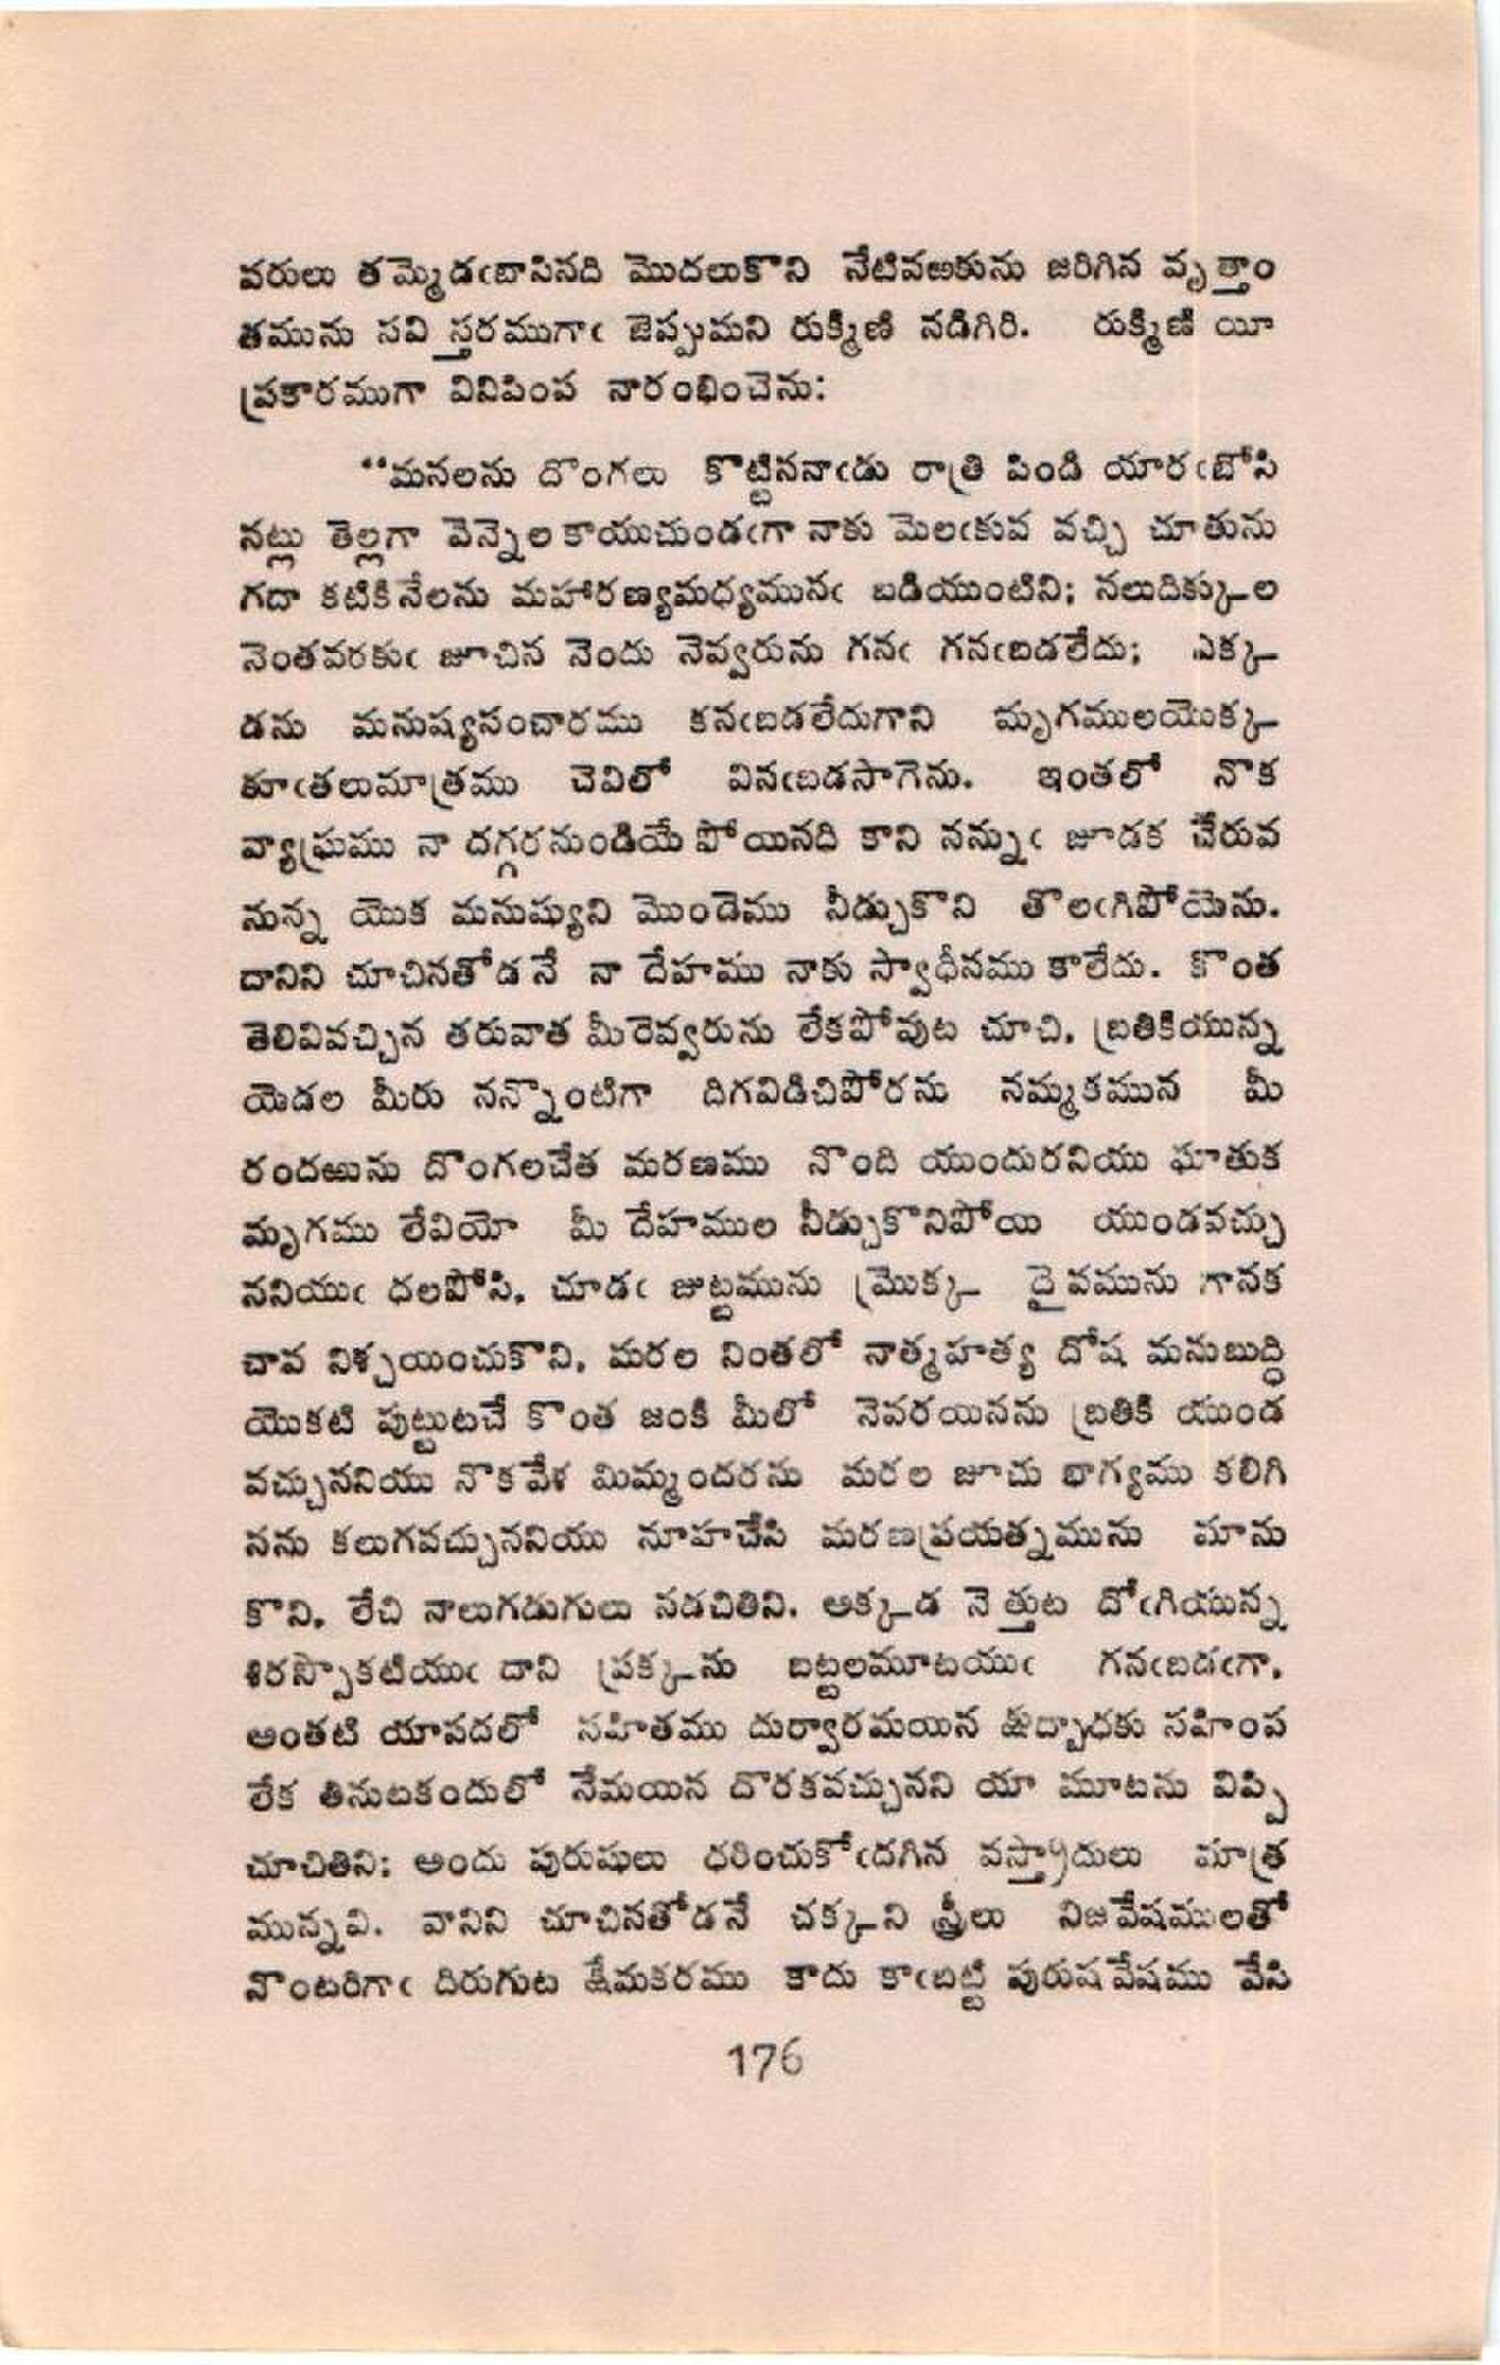వరులు తమ్మెడఁబాసినది మొదలుకొని నేటివఱకును జరిగిన వృత్తాం తమును సవిస్తరముగాఁ జెప్పుమని రుక్మిణి నడిగిరి. రుక్మిణి యీ ప్రకారముగా వినిపింప నారంభించెను:

"మనలను దొంగలు కొట్టిననాఁడు రాత్రి పిండి యారబోసినట్లు తెల్లగా వెన్నెల కాయుచుండఁగా నాకు మెలఁకువ వచ్చి చూతును గదా కటికి నేలను మహారణ్యమధ్యమునఁ బడియుంటిని; నలుదిక్కుల నెంతవరకుఁ జూచిన నెందు నెవ్వరును గనఁ గనఁబడలేదు; ఎక్కడను మనుష్యనంచారము కనబడలేదుగాని మృగములయెుక్కకూఁతలు మాత్రము చెవిలో వినఁబడసాగెను. ఇంతలో నొక వ్యాఘ్రము నా దగ్గరనుండియే పోయినది కాని నన్నుఁ జూడక చేరువ నున్న యొక మనుష్యుని మొండెము నీడ్చుకొని తొలగిపోయెను. దానిని చూచినతోడనే నా దేహము నాకు స్వాధీనము కాలేదు. కొంత తెలివివచ్చిన తరువాత మీరెవ్వరును లేకపోవుట చూచి, బ్రతికియున్న యెడల మీరు నన్నొంటిగా దిగవిడిచిపోరను నమ్మకమున మీరందఱును దొంగలచేత మరణము నొంది యుందురనియు ఘాతుక మృగము లేవియో మీ దేహముల నీడ్చుకొనిపోయి యుండవచ్చు ననియుఁ దలపోసి, చూడఁ జుట్టమును 
మ్రొక్క దైవమును గానక చావ నిశ్చయించుకొని, మరల నింతలో నాత్మహత్య దోష మనుబుద్ధి యొకటి పట్టుటచే కొంత జంకి మీలో నెవరయినను బ్రతికి యుండ వచ్చుననియు నొకవేళ మిమ్మందరను మరల జూచు భాగ్యము కలిగి నను కలుగవచ్చుననియు నూహ చేసి మరణప్రయత్నమును మాను కొని, లేచి నాలుగడుగులు నడచితిని, ఆక్కడ నెత్తుట దోఁగియున్న శిరస్సొకటియు దాని ప్రక్కను బట్టలమూటయుఁ గనఁబడఁగా, అంతటి యాపదలో సహితము దుర్వారమయిన తద్బాధకు సహింప లేక తినుటకందులో నేమయిన దొరకవచ్చునని యా మూటను విప్పి చూచితిని; అందు పురుషులు ధరించుకోదగిన వస్త్రాదులు మాత్ర మున్నవి. వానిని చూచినతోడనే చక్కని స్త్రీలు నిజవేషములతో వొంటరిగా దిరుగుట క్షేమకరము కాదు కాఁబట్టి పురుషవేషము వేసి